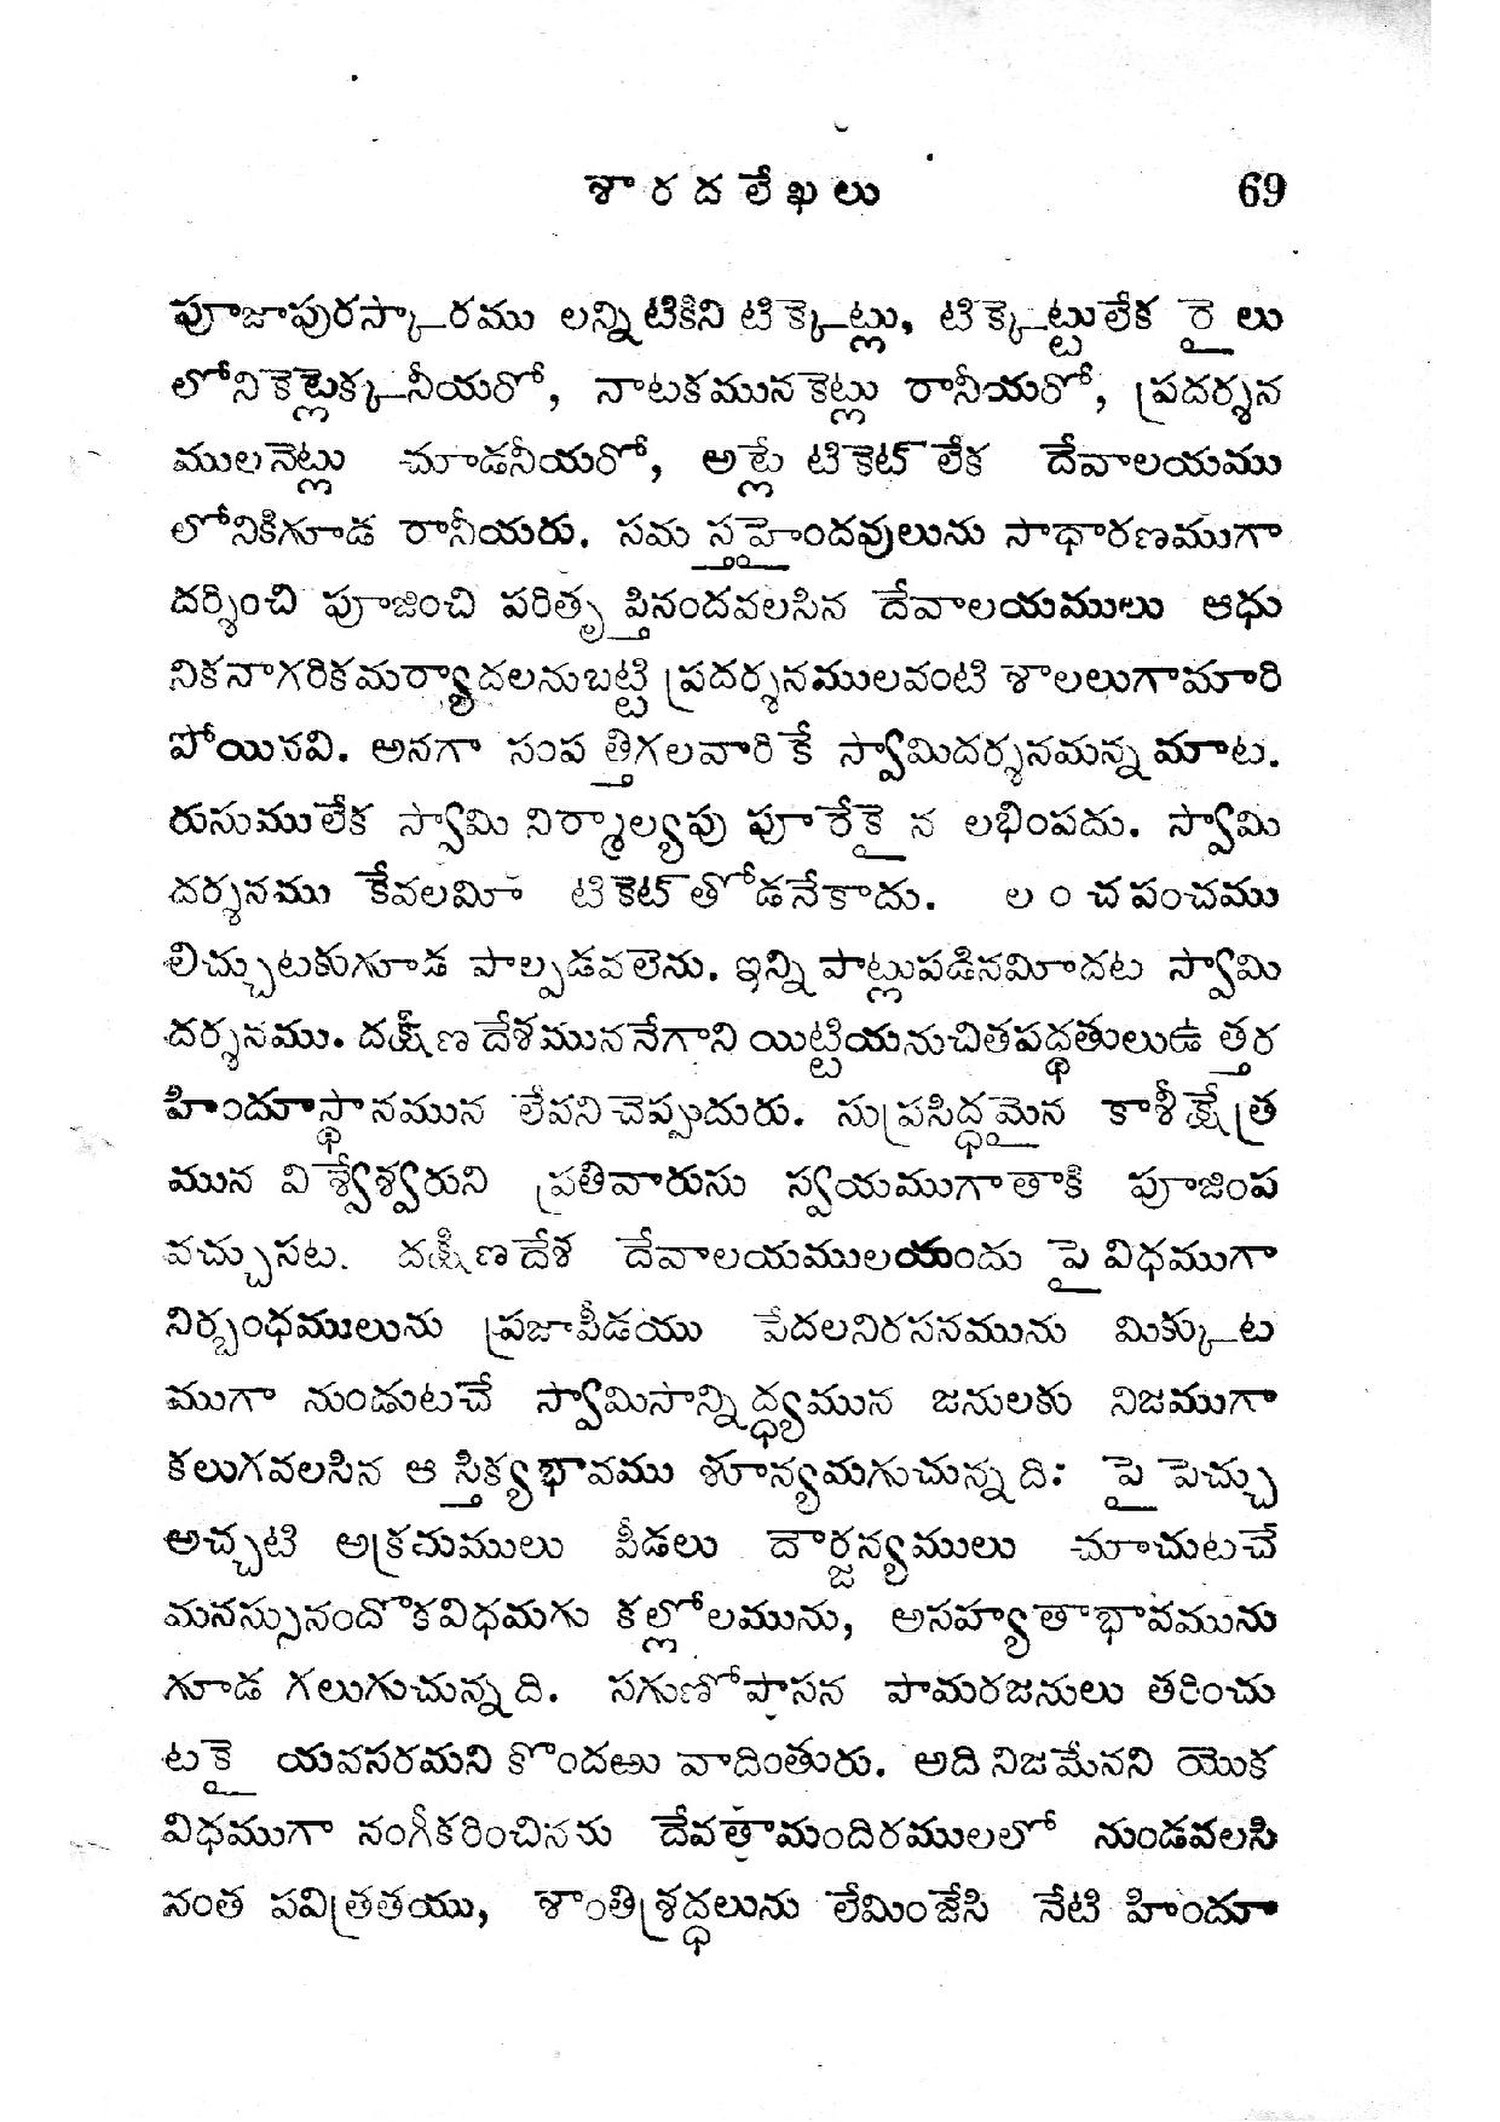పూజాపురస్కారము లన్నిటికిని టిక్కెట్లు, టిక్కెట్టులేక రైలులోనికెట్లెక్కనీయరో, నాటకమునకెట్లు రానీయరో, ప్రదర్శనములనెట్లు చూడనీయరో, అట్లే టికెట్ లేక దేవాలయములోనికిగూడ రానీయరు. సమస్త హైందవులును సాధారణముగా దర్శించి పూజించి పరితృప్తినందవలసిన దేవాలయములు ఆధునికనాగరిక మర్యాదలనుబట్టి ప్రదర్శనములవంటి శాలలుగామారిపోయినవి. అనగా సంపత్తిగలవారికే స్వామిదర్శనమన్న మాట. రుసుములేక స్వామి నిర్మాల్యపు పూరేకైన లభింపదు. స్వామి దర్శనము కేవలమీ టికెట్‌తోడనే కాదు. లంచపంచము లిచ్చుటకుగూడ పాల్పడవలెను. ఇన్ని పాట్లుపడినమీదట స్వామి దర్శనము. దక్షిణదేశముననేగాని యిట్టియనుచితపద్ధతులు ఉత్తర హిందూస్థానమున లేవని చెప్పుదురు. సుప్రసిద్ధమైన కాశీక్షేత్రమున విశ్వేశ్వరుని ప్రతివారును స్వయముగాతాకి పూజింప వచ్చునట. దక్షిణదేశ దేవాలయములయందు పైవిధముగా నిర్బంధములును ప్రజాపీడయు పేదలనిరసనమును మిక్కుటముగా నుండుటచే స్వామిసాన్నిధ్యమున జనులకు నిజముగా కలుగవలసిన ఆస్తిక్యభావము శూన్యమగుచున్నది: పై పెచ్చు అచ్చటి అక్రమములు పీడలు దౌర్జన్యములు చూచుటచే మనస్సునందొకవిధమగు కల్లోలమును, అసహ్యతాభావమును గూడ గలుగుచున్నది. సగుణోపాసన పామరజనులు తరించుటకై యవసరమని కొందఱు వాదింతురు. అది నిజమేనని యొక విధముగా నంగీకరించినను దేవతామందిరములలో నుండవలసినంత పవిత్రతయు, శాంతిశ్రద్ధలును లేమింజేసి నేటి హిందూ